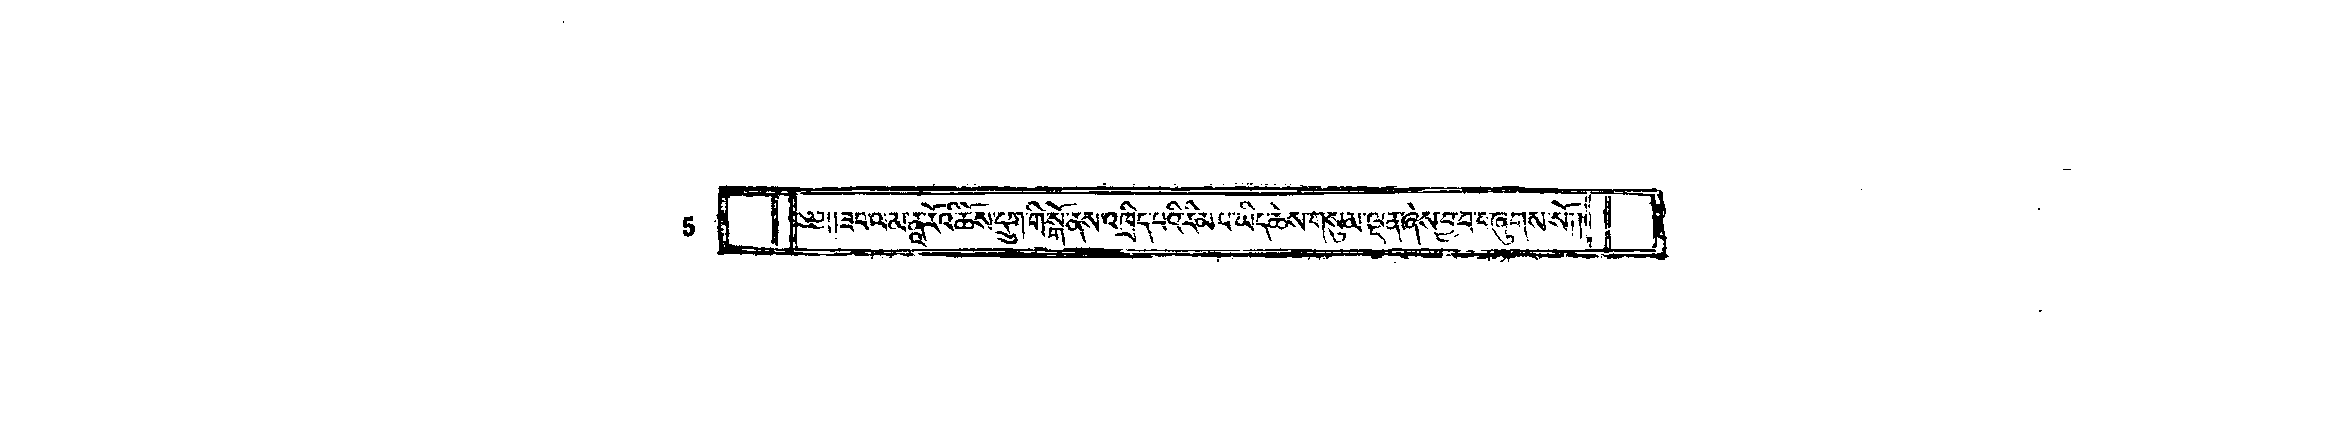༄༅། ཤེལ་ཆོས། ༄༅། །ཟབ་ལམ་ནཱ་རོའི་ཆོས་དྲུག་གི་སྒོ་ནས་འཁྲིད་པའི་རིམ་པ་ཡིད་ཆེས་གསུམ་ལྡན་ཞེས་བྱ་བ་བཞུགས་སོ། །